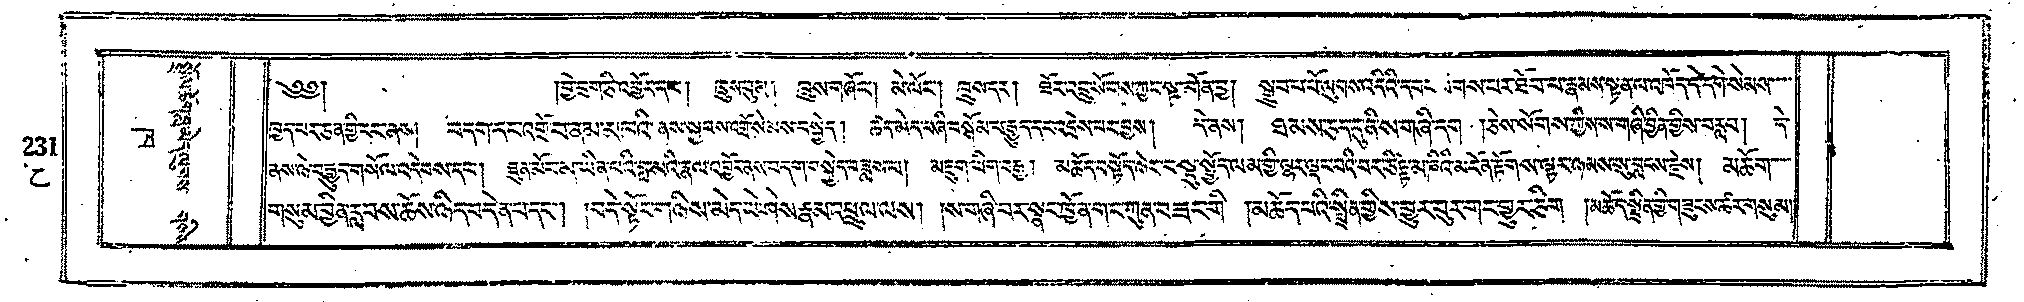༄༅། །བྱེ་བྲག་ཅི་འབྱོར་དང་། ཁྲུས་བུམ། ཁྲུས་གཞོང་། མེ་ལོང་། ཁྲུས་དར། ཐོར་འབྲུ་སོགས་ཀྱང་སྟ་གོན་བྱ། སྒྲུབ་པ་པོ་ལུགས་འདིའི་དབང་ལེགས་པར་ཐོབ་པ་རྣམས་སྟན་ལ་འཁོད་དེ་དགེ་སེམྶ་་་
ཁྱད་པར་ཅན་གྱི་ངང་ནས། བདག་དང་འགྲོ་བ་ནམ་མཁའི་ནས་སྐྱབས་འགྲོ་སེམས་བསྐྱེད། ཚད་མེད་བཞི་བསྒོམ་པ་རྒྱུད་དང་འདྲེས་པར་བྱས། དེ་ནས།  ཐམས་ཅད་དུ་ནི་ས་གཞི་དག །ཅེས་སོགས་ཀྱིས་ས་གཞི་བྱིན་གྱིས་བརླབ། དེ་
ནས་ཉེ་བརྒྱུད་གསོལ་འདེབས་དང་། ཐུན་མོང་མ་ཡིན་པའི་བླ་མའི་རྣལ་འབྱོར་ནས་བདག་བསྐྱེད་བཟླས་པ། མཇུག་ཡིག་བརྒྱ། མཆོད་བསྟོད་ཉེར་བསྡུ་སྤྱོད་ལམ་གྱི་ལྷར་ལྡང་བའི་བར་ཙིཏྟ་མ་ཎིའི་མངོན་རྟོགས་ལྟར་ཉམས་སུ་བླངས་རྗེས།  མཆོག་་་
གསུམ་བྱིན་རླབས་ཆོས་ཉིད་བདེན་པ་དང་། །བདེ་སྟོང་གཉིས་མེད་ཡེ་ཤེས་རྣམ་འཕྲུལ་ལས། །ས་གཞི་བར་སྣང་ཁྱོན་གང་ཀུན་བཟང་གི །མཆོད་པའི་སྤྲིན་གྱིས་ཕྱུར་བུར་གང་གྱུར་ཅིག །མཆོད་སྤྲིན་གྱི་གཟུངས་ཚར་གསུམ།